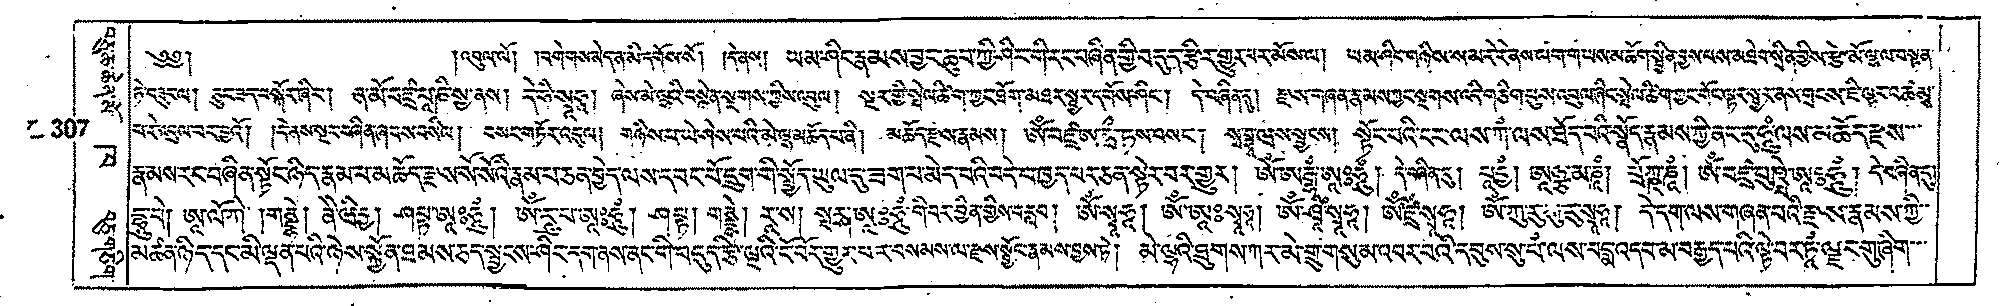༄༅། །འབུལ་ལོ། །བགེགས་མེད་ན་མི་དགོས་སོ། །དེ་ནས། ཡམ་ཤིང་རྣམས་བྱང་ཆུབ་ཀྱི་ཤིང་གི་རང་བཞིན་གྱི་བདུད་རྩིར་གྱུར་པར་མོས་ལ། ཡམ་ཤིང་གཉིས་སམ་རེ་རེ་ནས་ལག་གཡས་མཆོག་སྦྱིན་བྱས་པས་མཐེབ་སྲིན་གྱིས་རྩེ་མོ་ལྷ་ལ་བསྟན་
ཏེ་བཟུང་ལ། ཅུང་ཟད་བསྐོར་ཞིང་། ན་མོ་བཛྲ་པཱ་ཎི་སྱ་ནས། དེ་ཧི་སྭཱཧཱ། ཞེས་མེ་ལྷའི་བསྙེན་སྔགས་ཀྱིས་འབུལ། སྔར་གྱི་སྤེལ་ཚིག་ཀྱང་ཐོག་མཐར་སྦྱར་དགོས་ཤིང་། དེ་བཞིན་དུ། རྫས་གཞན་རྣམས་ཀྱང་སྔགས་འདི་གཅིག་པུས་འབུལ་ཞིང་སྤེལ་ཚིག་ཀྱང་གོང་ལྟར་སྦྱར་ནས་གྲངས་ཇི་ལྟར་འཚམས་
པ་རེ་འབུལ་བར་བྱའོ། །དེ་ནས་སྔར་བཞིན་ཞབས་བསིལ། བསང་གཏོར་འབུལ། གཉིས་པ་ཡེ་ཤེས་པའི་མེ་ལྷ་མཆོད་པ་ནི། མཆོད་རྫས་རྣམས། ཨོཾ་བཛྲ་ཨ་མྲྀ་ཏས་བསང་། སྭ་བྷཱ་ཝས་སྦྱངས། སྟོང་པའི་ངང་ལས་ཀཾ་ལས་ཐོད་པའི་སྣོད་རྣམས་ཀྱི་ནང་དུ་ཧཱུཾ་ལས་མཆོད་རྫས་་་
རྣམས་རང་བཞིན་སྟོང་ཉིད་རྣམ་པ་མཆོད་རྫས་སོ་སོའི་རྣམ་པ་ཅན་བྱེད་ལས་དབང་པོ་དྲུག་གི་སྤྱོད་ཡུལ་དུ་ཟག་པ་མེད་པའི་བདེ་བ་ཁྱད་པར་ཅན་སྟེར་བར་གྱུར། ཨོཾ་ཨརྒྷཾ་ཨཱཿ ཧཱུཾ། དེ་བཞིན་དུ།  པཱདྱཾ། ཨཱཉྩ་མ་ཎཱཾ། པྲོཀྵ་ཎཱཾ། ཨོཾ་བཛྲ་པུཥྤེ་ཨཱཿཧཱུཾ། དེ་བཞིན་དུ།
དྷཱུ་པེ། ཨཱ་ལོ་ཀེ །གནྡྷེ། ནཻ་ཝིདྱ། ཤཔྟ་ཨཱཿ ཧཱུཾ། ཨོཾ་རཱུ་པ་ཨཱཿཧཱུཾ། ཤྤྟ། གནྡྷེ། རཱ་ས། སྤརྴ་ཨཱཿ ཧཱུཾ་གི་བར་བྱིན་གྱིས་བརླབ།  ཨོཾ་སྭཱཧཱ། ཨོཾ་ཨཱཿསྭཱཧཱ། ཨོཾ་ཤྲཱིཾ་སྭཱཧཱ། ཨོཾ་ཛྲིཾ་སྭཱཧཱ། ཨོཾ་ཀུ་རུ་ཀུ་རུ་སྭཱཧཱ། དེ་དག་ལས་གཞན་པའི་རྫས་རྣམས་ཀྱི་་་
མཚན་ཉིད་དང་མི་ལྡན་པའི་ཉེས་སྐྱོན་ཐམས་ཅད་སྦྱངས་ཤིང་དག་ནས་ནང་གི་བདུད་རྩི་ལྔའི་ངོ་བོར་གྱུར་པར་བསམས་ལ་རྫས་སྦྱོང་རྣམས་བྱས་ཏེ།  མེ་ལྷའི་ཐུགས་ཀར་མེ་གྲུ་གསུམ་འབར་བའི་དབུས་སུ་པཾ་ལས་པདམ་འདབ་མ་བརྒྱད་པའི་ལྟེ་བར་ཏཱཾ་ལྗང་གུ་ཞིག་་་